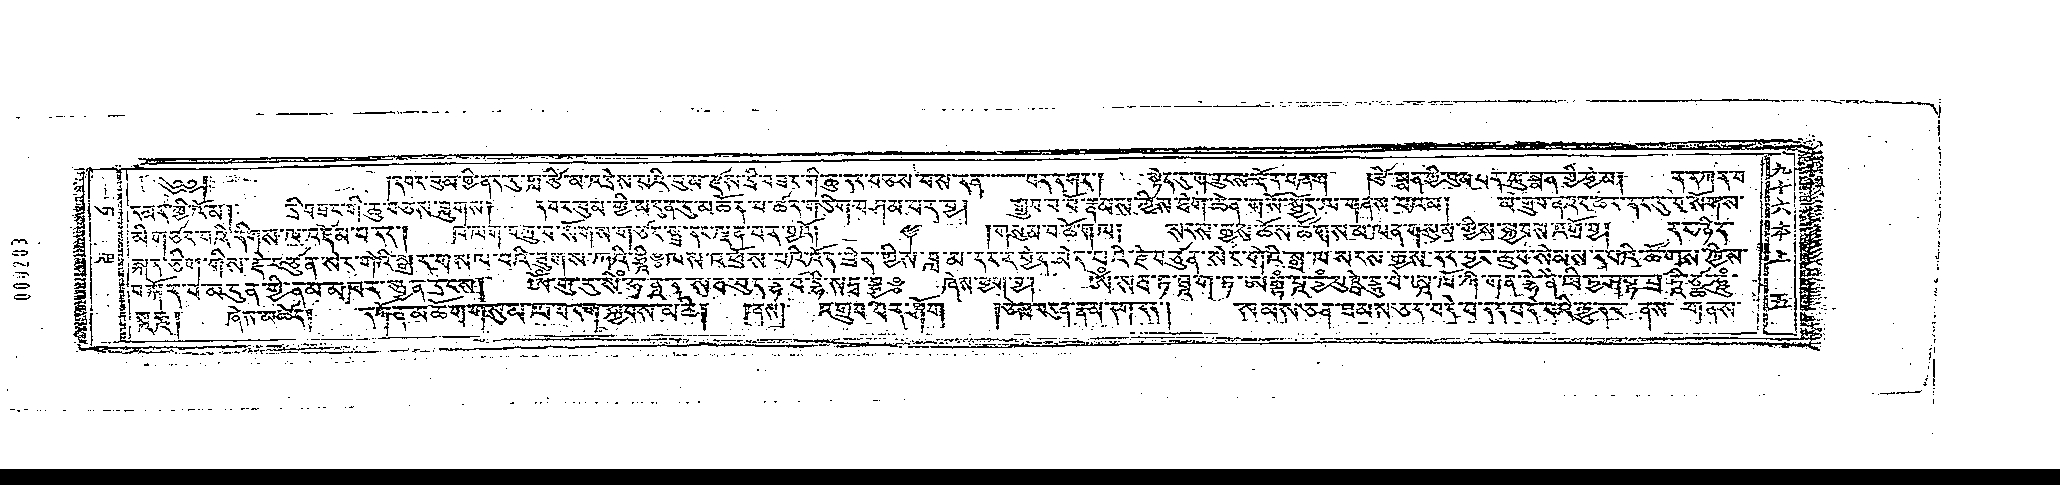༄༅། །དབང་བུམ་གྱི་ནང་དུ་གླ་རྩི་མ་འདྲེས་པའི་བུམ་རྫས་དྲི་བཟང་གི་ཆུ་དང་བཅས་བས་དན་བར་དགང་། སྟེང་དུ་གཟུངས་རྡོར་བཞག ། རྩི་སྨན་གྱི་བུམ་དར་ཀླུ་སྨན་གྱི་ཕྱེ་མ། ར་དཀར་བ།
དམན་གྱི་འོ་མ། དྲི་བཟང་གི་ཆུ་བཅས་བླུགས། དབང་བུམ་གྱི་མདུན་དུ་མཆོད་པ་ཚར་གཅིག་བཤམ་པར་བྱ། སྒྲུབ་པ་པོ་རྣམས་ཀྱིས་བྲེག་ཆེན་གསོ་སྦྱོང་ལ་གནས་བའམ། མ་གྲུབ་ནའང་ཆང་དང་དུ་བ་སོགས་
མི་གཙད་བའི་རིགས་ལ་འཛེམ་པ་དང་། ཁ་ལག་བཀྲུ་བ་སོགས་གཙང་སྦྲ་དང་ལྡན་པར་བྱའོ། ༈ །གསུམ་པ་ཆོ་ག་ལ། སངས་རྒྱས་ཆོས་ཚོགས་མ་ལན་གསུམ་གྱིས་སྐྱབས་འགྲོ་བྱ། རང་ཉིད་
སྐད་ཅིག་གིས་རྫེ་བཙུན་སེང་གེའི་སྒྲར་གསལ་བའི་ཐུགས་ཀའི་ཧྲཱིཿ་ལས་འཕྲོས་པའི་འོད་ཟེར་གྱིས་བླ་མ་དང་དབྱེད་མེད་བའི་རྗེ་བཙུན་སེང་གེའི་སྒྲ་ལ་སངས་རྒྱས་དང་བྱང་ཆུབ་སེམས་དཔའི་ཚོགས་ཀྱིས་
བསྐོར་བ་མདུན་གྱི་ནམ་མཁར་སྤྱན་དྲངས། ཨོཾ་གུ་རུ་སིཾ་ཧ་ནཱ་ད་སརྦ་བུད་དྷ་བོ་དྷི་སཏྭ་བྷྱཿ་ཞེས་ཕྱག་བྱ། ཨོཾ་སརྦ་ཏ་ཐཱ་ག་ཏ་ཨརྒྷཾ་བཱ་དྱཾ་པུཥྤེ་དྷཱུ་བོ་ཨཱ་ལོ་ཀེ་ག་ན་དྷྱེ་ནི་ལཾ་དྱ་ཤབཏ་བྲ་ཏཱིཙྪ་ཧཱུཨི་
སྭཱཧཱ། ཞེས་མཆོད། དཀོན་མཆོག་གསུམ་ལ་བདག་སྐྱབས་མཆི། །ནས། འགྲུབ་བར་ཤོག། །ཅིས་བདུན་རྣམ་དག་དང་། སེམས་ཅན་ཐམས་ཅད་བདེ་བ་དང་བདེ་བའི་རྒྱུ་དང་ནས་གནས་